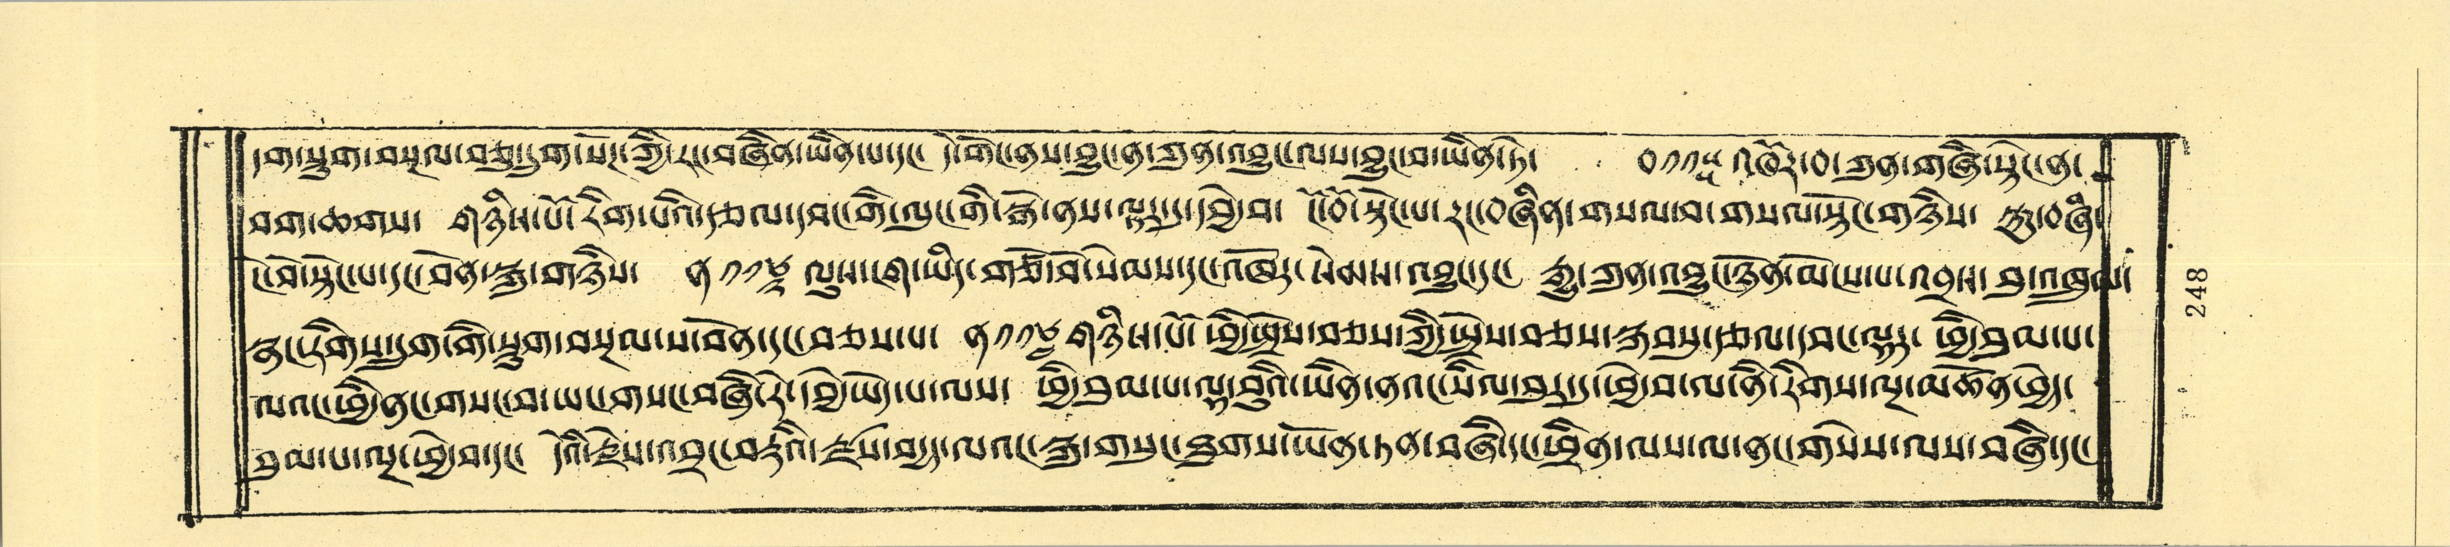དག་སྡུག་བསྔལ་བཅུ་དྲུག་སོགས་ཀྱི་རང་བཞིན་ཡིན་པ་དང། དེ་གོང་ནས་བྱུང་ན་ཀུན་འབྱུང་ལས་བྱུང་བ་ཡིན་ཏེ། བ༡༡༥།༥ ༼འཁོར་བ་༽ཀུན་གཞི་སྟེ་ན་
བག་ཆགས། ༼གཉིས་པོ་༽རིག་པའི་རྩལ་དབང་གི་ལུང་གི་སྒོ་ནས་ལྟར་དུ་དབྱེ་བ། ༼ངོ་བོ་༽སྟོང་པ་ ༼རང་བཞིན་༽གསལ་བ་གསལ་སྟོང་གཉིས། ༼སྐུ་བཞི་༽
ངོ་བོ་སྟོང་པ་དང་བོན་སྐུ་གཉིས། ན༡༡༦།༢ ༼ལུས་ངག་༽ཡིད་གཙོ་བོ་སེམས་དང་འཁོར་ ༼སེམས་འབྱུང་༽དང་ ༼རྒྱུ་༽ཀུན་འབྱུང་ཉོན་མོངས་པ་ ༼འབྲས་༽བུ་འཁྲུལ་
སྣང་རིགས་དྲུག་གི་སྡུག་བསྔལ་ས་བོན་དང་བཅས་པ། ན༡༡༦།༤ ༼གཉིས་པོ་༽ཕྱི་སྤྲོས་བཅས་ཀྱི་སྤྲོས་བཅས་སྐབས་སུ་རྩལ་དབང་ལྟར། ཕྱི་བུམ་པ་
ལའང་ཕྱི་ནང་གསང་བ་ཡང་གསང་བཞི་རེ་དབྱེ་ཡོད་པ་ལས། ཕྱི་བུམ་པ་ལྟ་བུའི་ཡིན་ནའང་སིལ་བུར་དུ་ཕྱེ་བ་ལ་ནི་རིགས་ལྔ་མཚོན་བྱེད་
བུམ་པ་ལྔ་ཕྱེ་བ་དང། དེའི་རྗེས་འབྲང་བརྡའི་རྫས་བརྒྱད་ལའང་སྐུ་གསུང་ཐུགས་ཡོན་ཏན་བཞི་དང་ཕྲིན་ལས་ལ་ནང་གསེས་ལས་བཞི་དང།